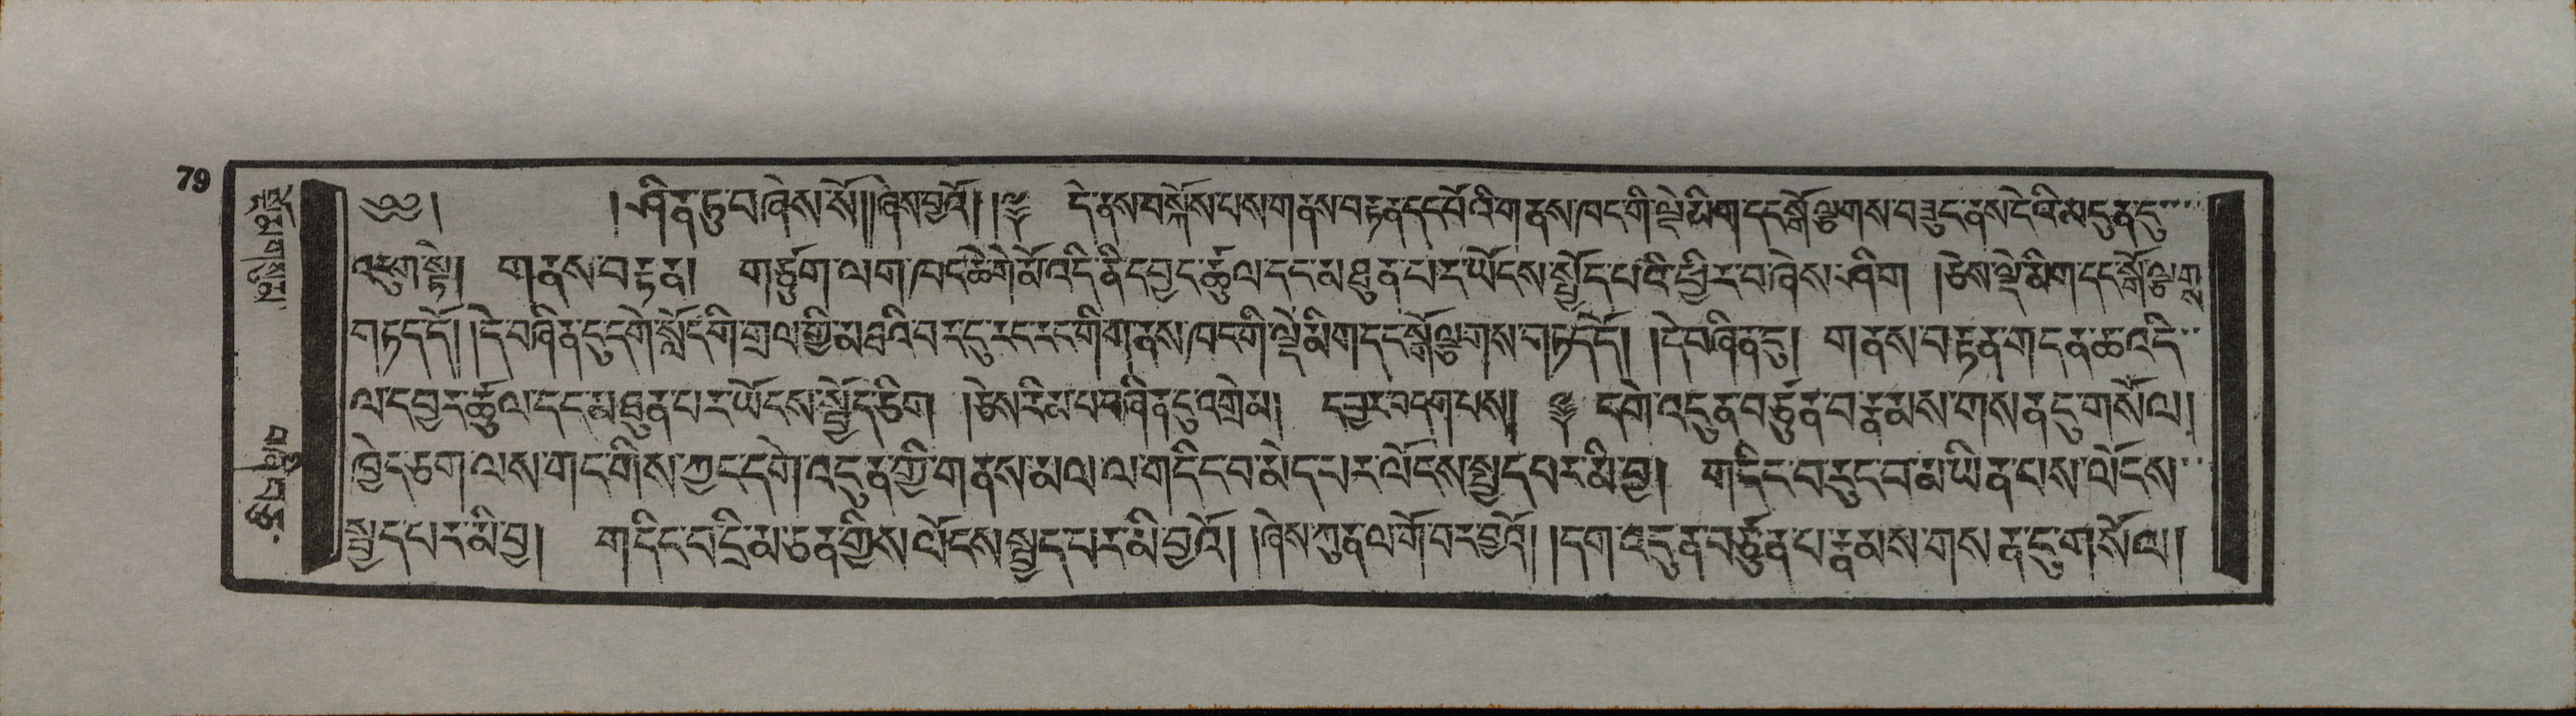༄༅། །ཤིན་ཏུ་བཞེས་སོ། །ཞེས་བྱའོ།། ༈ དེ་ནས་བསྐོས་པས་གནས་བརྟན་དང་པོའི་གནས་ཁང་གི་ལྡེ་མིག་དང་སྒོ་ལྕགས་བཟུང་ནས་དེའི་མདུན་དུ་
འདུག་སྟེ། གནས་བརྟན། གཙུག་ལག་ཁང་ཆེ་གེ་མོ་འདི་ནི་དབྱང་ཚུལ་དང་མཐུན་པར་ཡོངས་སྤྱོད་པའི་ཕྱིར་བ་ཞེས་ཤིག །ཅེས་ལྡེ་མིག་དང་སྒོ་ལྕགས་
གཏད་དོ། །དེ་བཞིན་དུ་དགེ་སློང་གི་གྲལ་གྱི་མཐའི་བར་དུ་རང་རང་གི་གནས་ཁང་གི་ལྡེ་མིག་དང་སྒོ་ལྕགས་གཏད་དོ། །དེ་བཞིན་དུ། གནས་བརྟན་གདན་ཆ་འདི་
ལ་དབྱར་ཚུལ་དང་མཐུན་པར་ཡོངས་སྤྱོད་ཅིག །ཅེས་རིམ་པ་བཞིན་དུ་འགྲེམ། དབྱར་བདག་པས། ༈ དགེ་འདུན་བཙུན་པ་རྣམས་གསན་དུ་གསོལ།
ཁྱེད་ཅག་ལས་གང་གིས་ཀྱང་དགེ་འདུན་གྱི་གནས་མལ་ལ་གདིང་བ་མེད་པར་ལོངས་སྤྱད་པར་མི་བྱ། གདིང་བ་རུང་བ་མ་ཡིན་པས་ལོངས་
སྤྱད་པར་མི་བྱ། གདིང་བདྲི་མ་ཅན་གྱིས་ལོངས་སྤྱད་པར་མི་བྱའོ། །ཞེས་ཀུན་ལ་གོ་བར་བྱའོ། །དགེ་འདུན་བཙུན་པ་རྣམས་གསན་དུ་གསོལ།